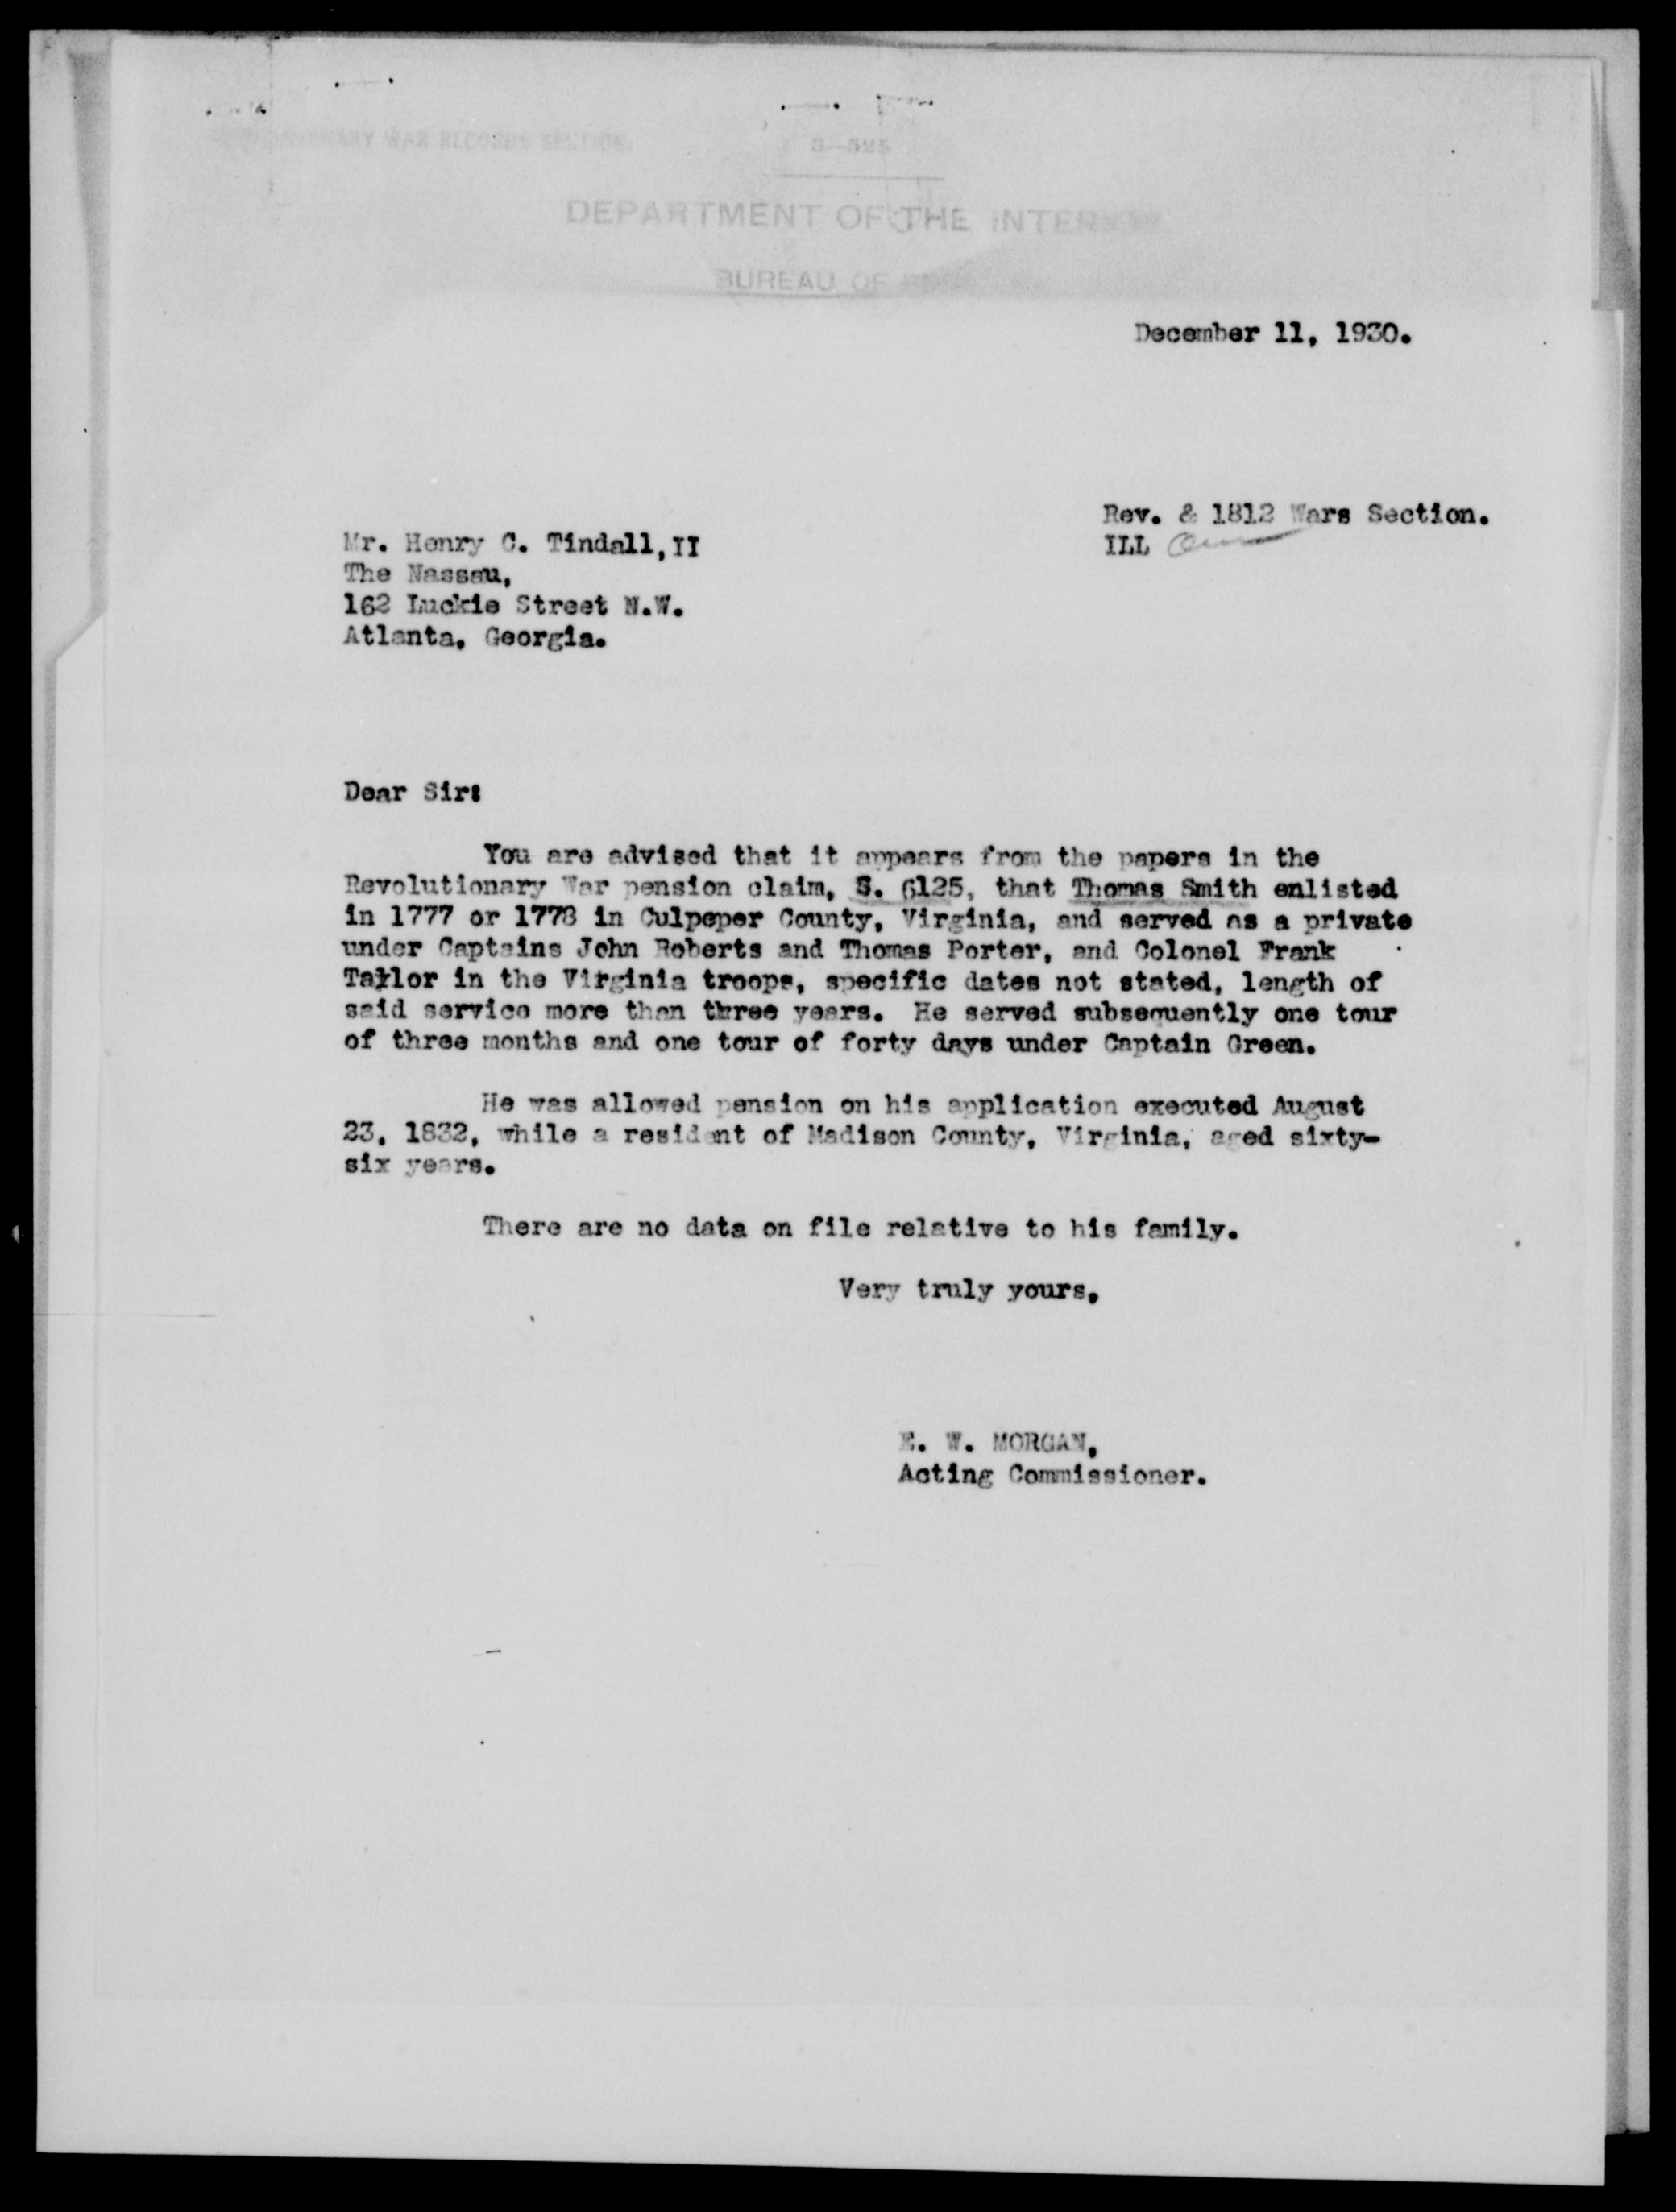-- 525 DEPARTMENT OF THE INTERIOR BUREAU OF 
December 11, 1930.
Mr. Henry C. Tindall, I The Nassau, 162 Luckie Street N.W. Atlanta, Georgia. 
1812 Wars Section. ILL
Dear Sir:  Rev. &  You are advised that it appears from the papers in the Revolutionary War pension claim, S. 6125, that Thomas Smith enlisted in 1777 or 1778 in Culpeper County, Virginia, and served as a private under Captains John Roberts and Thomas Porter, and Colonel Frank Taylor in the Virginia troops, specific dates not stated, length of said service more than three years. He served subsequently one tour of three months and one tour of forty days under Captain Green. He was allowed pension on his application executed August 23, 1832, while a resident of Madison County, Virginia, aged sixty- six years. There are no data on file relative to his family. Very truly yours, E. W. MORGAN, Acting Commissioner.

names: E W Morgan; Thomas Smith; [BLANK] Green; John Roberts; Thomas Porter; Henry C Tindall; Frank Taylor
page: 8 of 23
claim: survivor's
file: S. 6,125, for Thomas Smith, Virginia